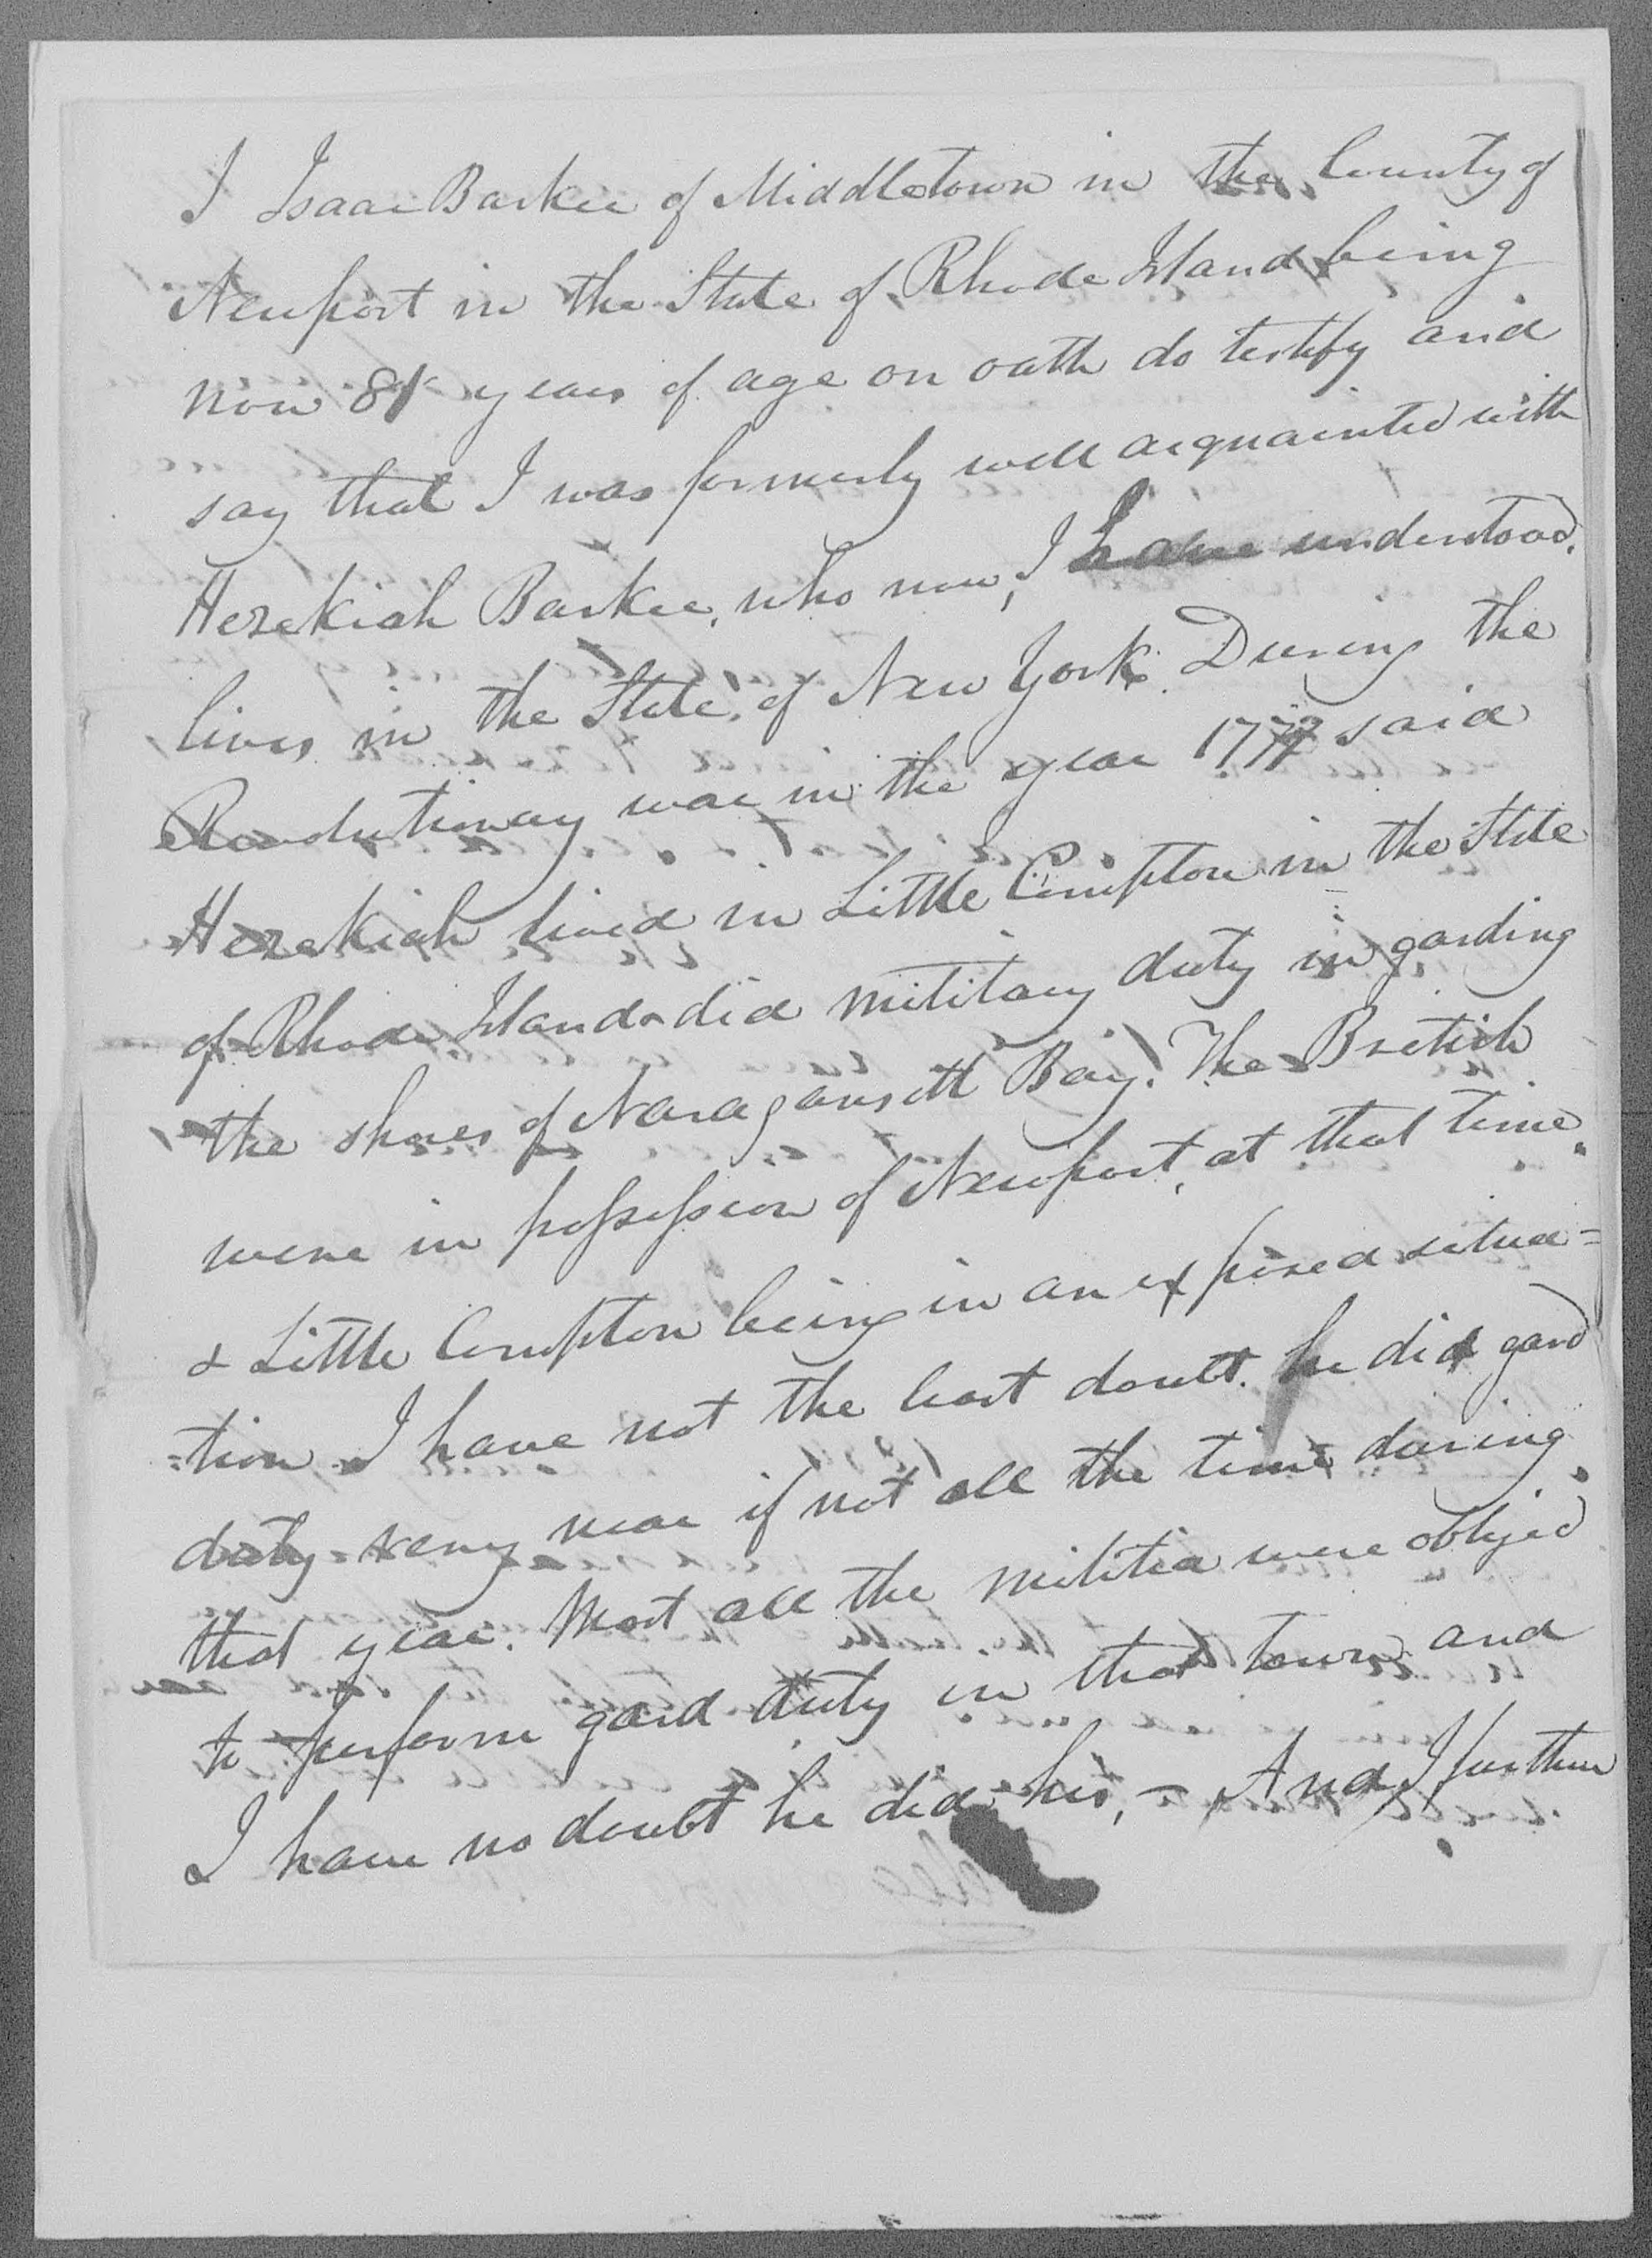I Isaac Barker of Middletown in the County of
Newport in the State of Rhode Island being
now 81 years of age on oath do testify and
say that I was formerly well acquainted with
Hezekiah Barker who now I have understood
lives in the State of New York.  During the
Revolutionary war in the year 1777 said
Hezekiah lived in Little Compton in the State
of Rhode Island & did military duty in garding [guarding]
the shores of Naragansett Bay.  The British
were in possession of Newport at that time
& Little Compton being in an exposed situa-
-tion I have not the least doubt he did gard [guard]
duty very near if not all the time during
that year.  Most all the militia were obliged
to perform gard [sic] duty in that town and
I have no doubt he did his. And I further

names: Isaac Barker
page: 34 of 52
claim: widow's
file: W. 18,565, Hezekiah Barker, Continental R.I.